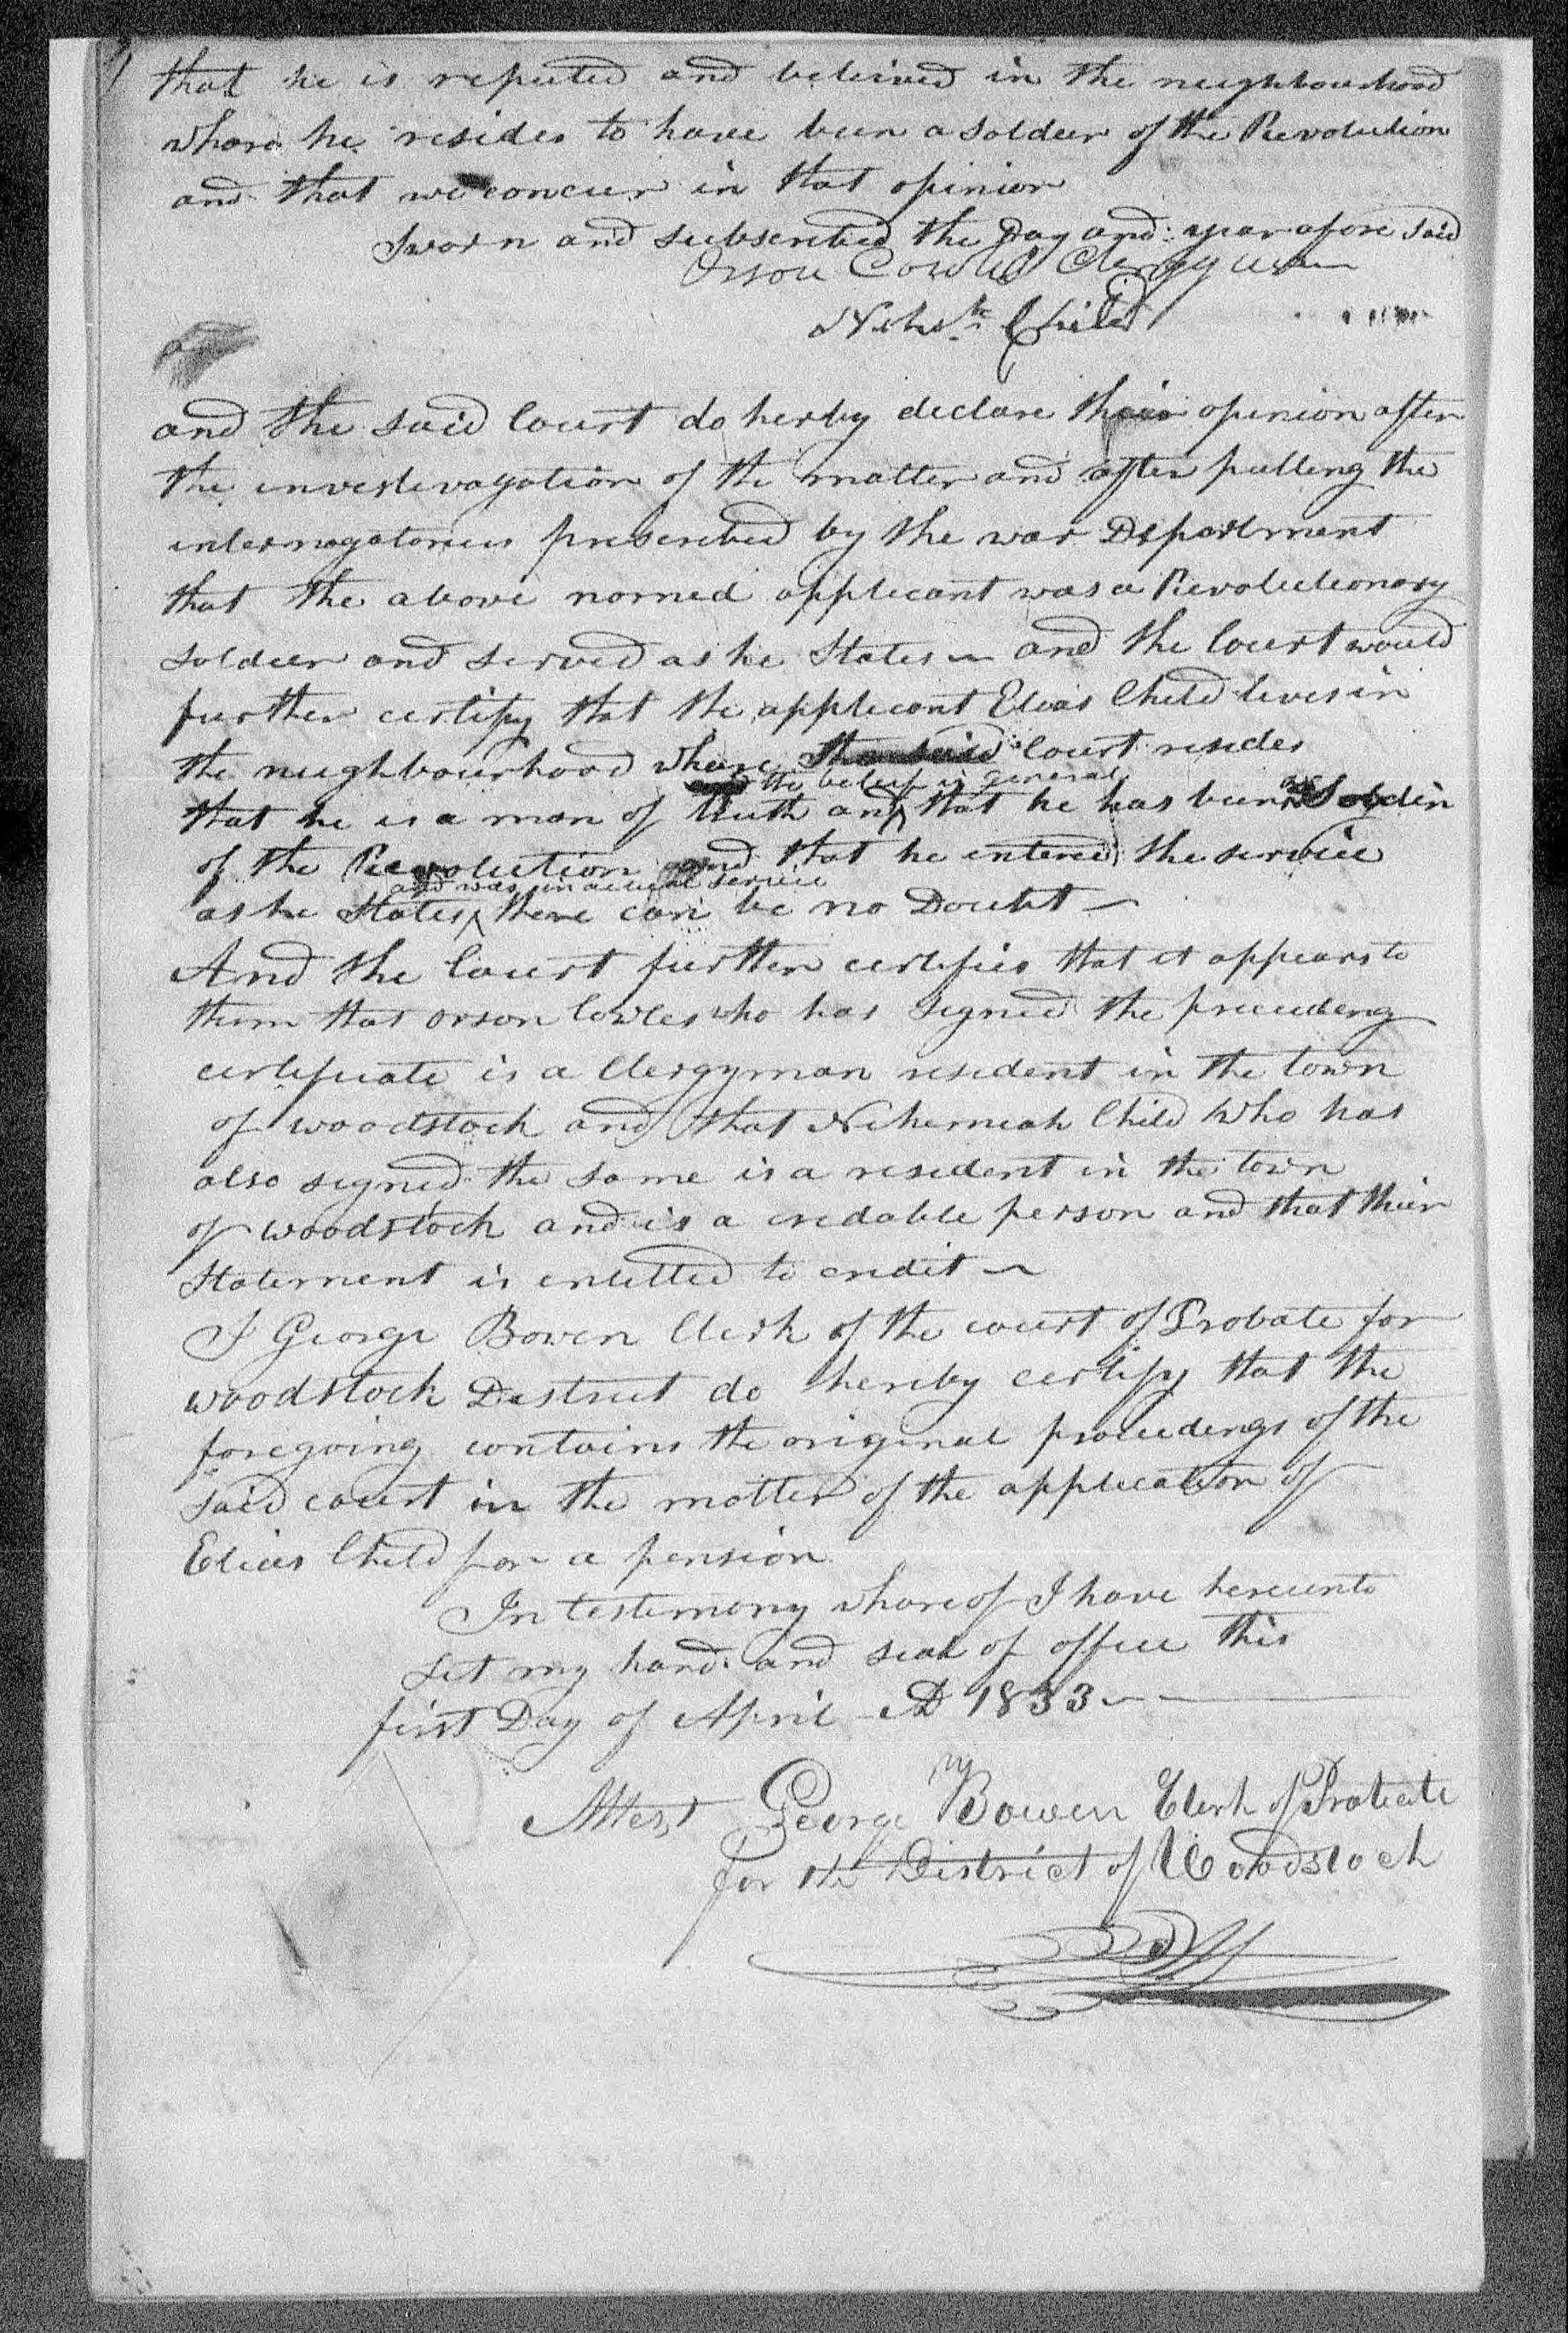that he is reputed and believed in the neighborhood where he resides to have seen a soldier of the Revolution and that we concur in that opinion.
Sworn and subscribed the day and year aforesaid 
Orson Cowles Clergyman
Nehemiah Child
and the said court do hereby declare their opinion after the investigation of the matter and after pulling the interrogatories prescribed by the war Deposement that the above named applicant was a Revolutionary soldier and served as he states - and the Court would further certify that the applicant Elias Child lives in the neighborhood where the said court resides that he is a man of truth and that he has been a soldier of the Revolution and that he entered the service as the states and was in actual service there can be no doubt - 
And the Court further certifies that it appears to them that Orson Cowles has signed the preceding certificate is a clergyman resident in the town of Woodsloch and that Nehemiah Child who has also signed the same is a resident in the town of Woodsloch and is a credible person and that their statement is entitled to credit - 
I George Bowen Clerk of the court of Probate for Woodsloch District do hereby certify that the foregoing contains the original precedings of the said court in the month of the application of Elias Child for a pension.
In testimony where I have hereunto set my hand and seal of office this first day of April AD 1833
Attest George Bowen Clerk of Probate for the District of Woodsloch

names: George Bowen, Elias Child, Elias Child, Orson Cowles, George Bowen, Neheh Child, Nehemiah Child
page: 14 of 34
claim: survivor's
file: S. 31,605, Elias Child, Conn.